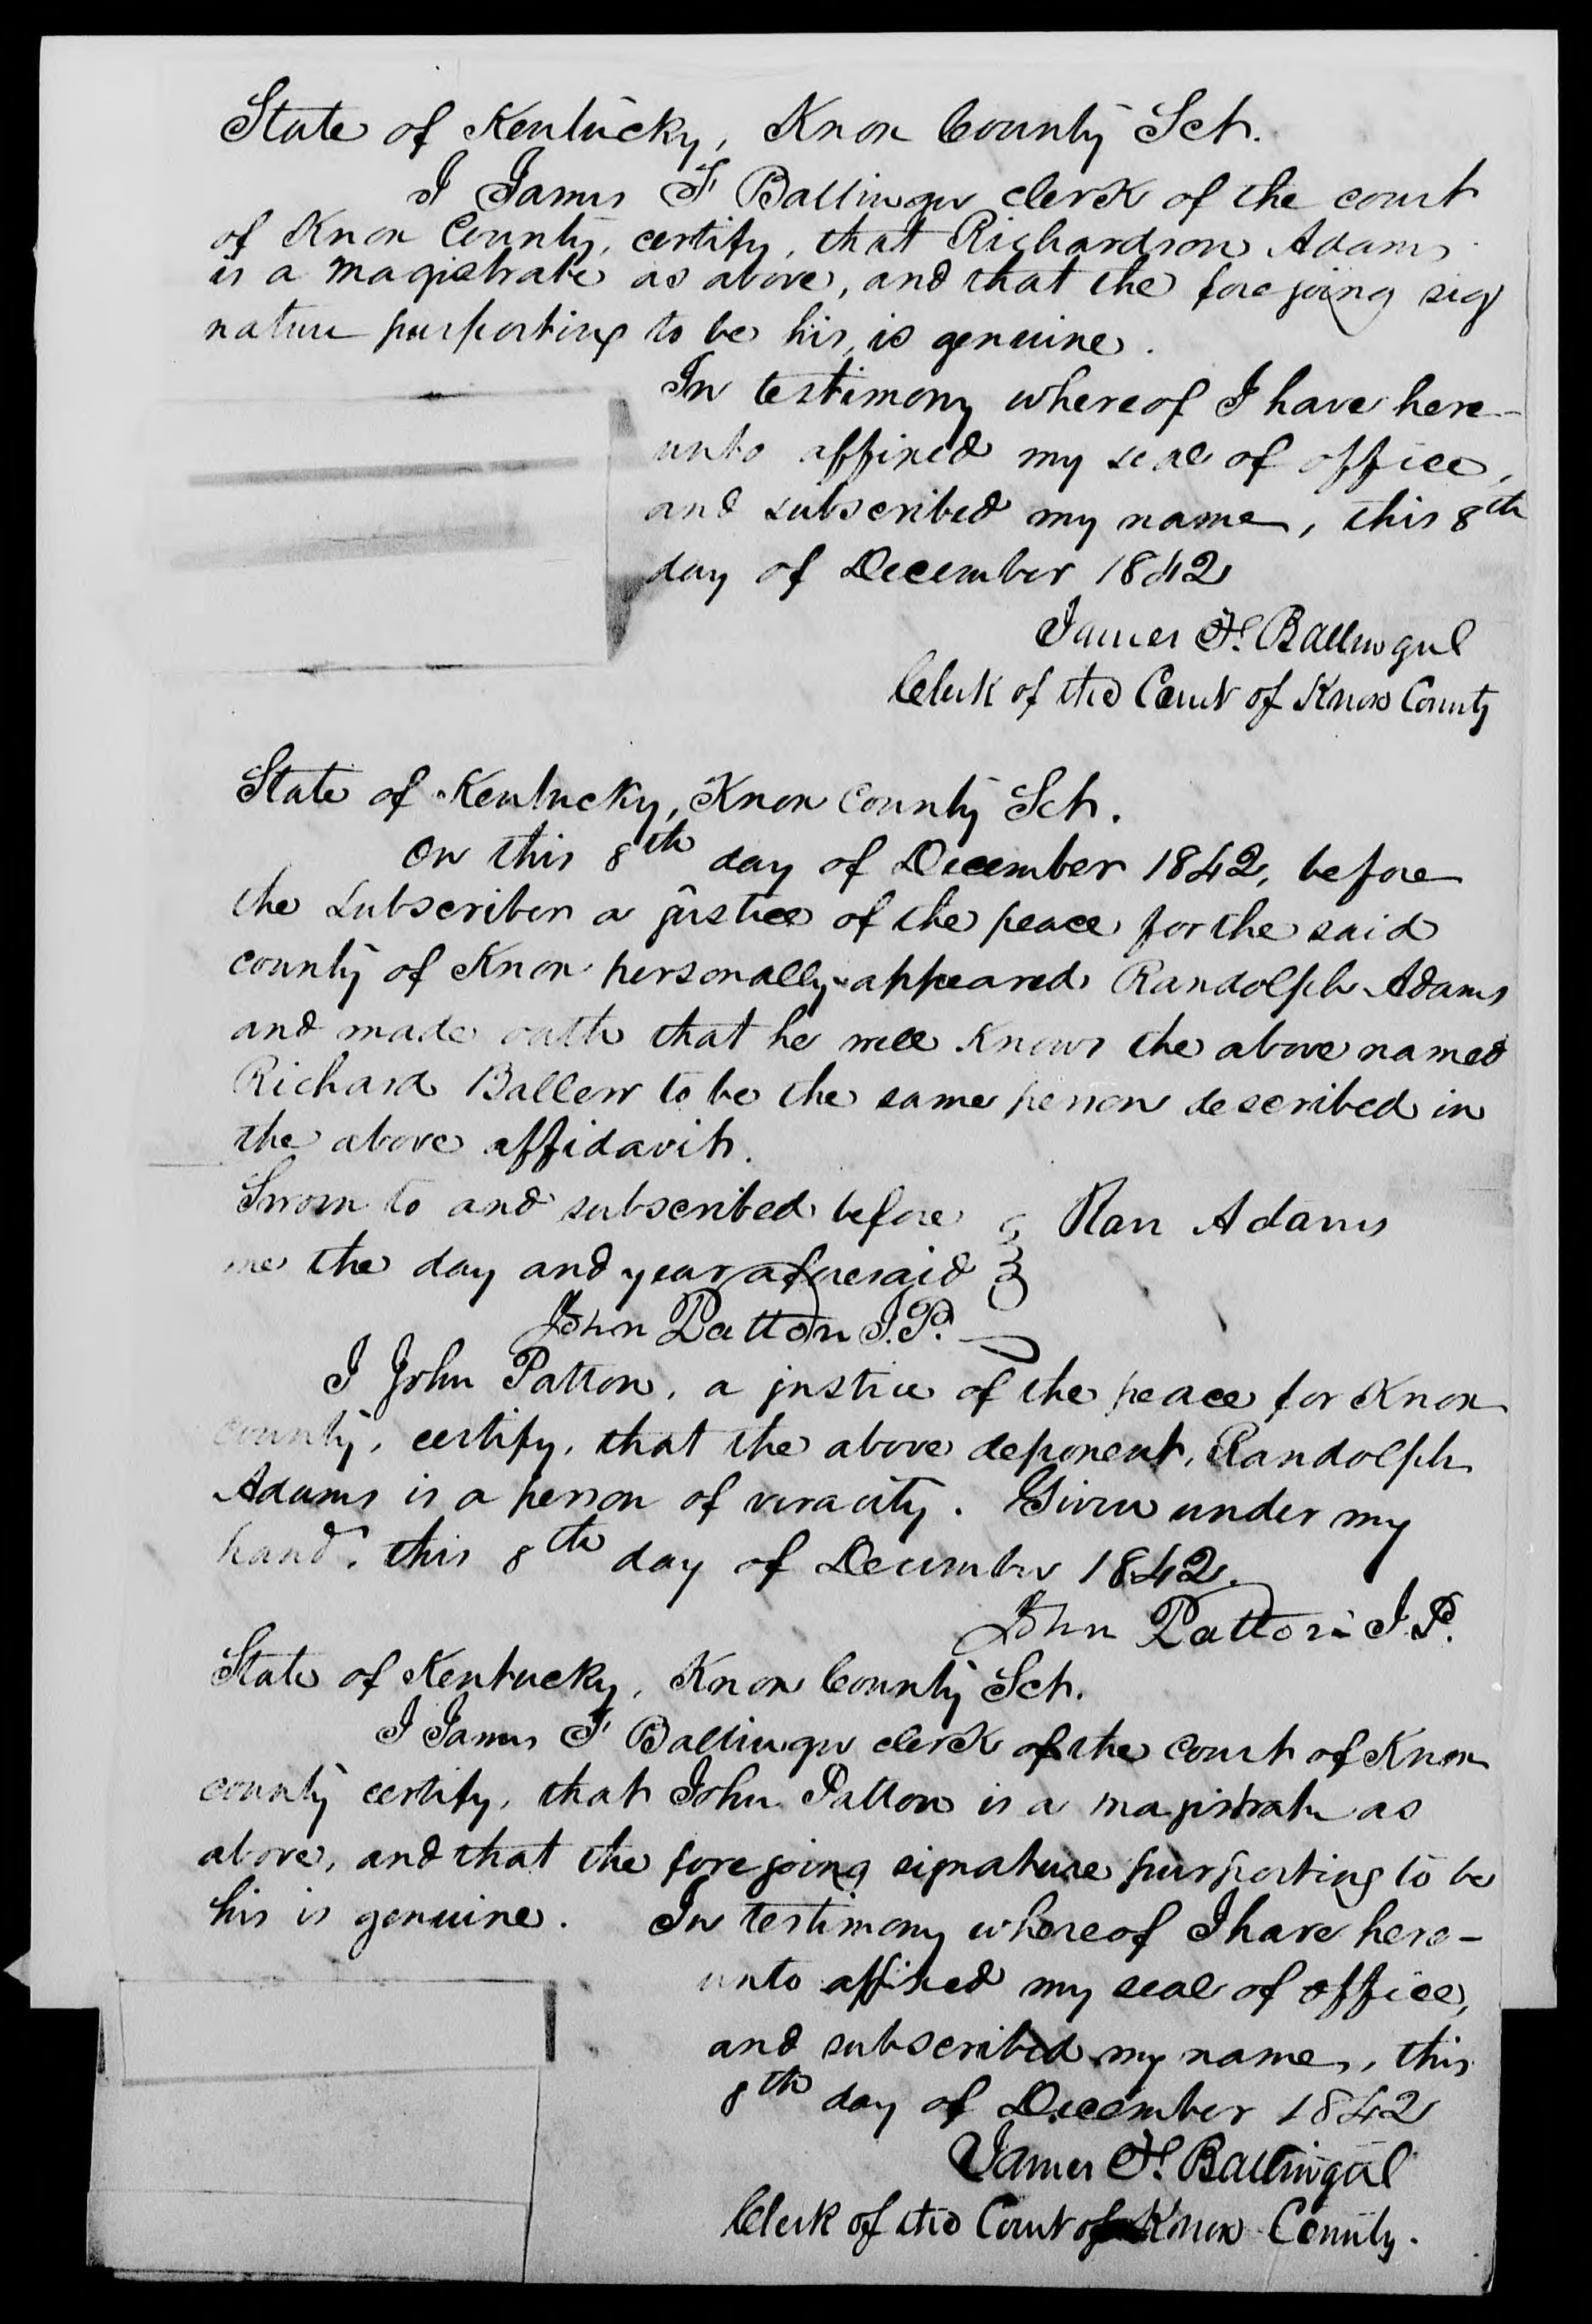State of Kentucky, Knox County Sct.
I James F Ballinger clerk of the court
of Knox County, certify, that Richardson Adams
is a magistrate as above, and that the foregoing 
signature purporting to be his, is genuine.
In testimony whereof I have hereunto
affixed my seal of office and subscribed my
name, this 8th day of December 1842
(signature of James F. Ballinger)
Clerk of the Court of Knox County

State of Kentucky, Knox County Sct.
On this 8th day of December 1842, before
the Subscriber a justice of the peace for the said
county of Knox personally appeared Randolph Adams
and made oath that he well knows the above named
Richard Ballew to be the same person described in
the above affidavit.
(signature of Ran Adams)
Sworn to and subscribed before
me the day and year aforesaid
(signature of John Patton) J.P.

I John Patton, a justice of the peace for Knox
County,  certify, that the above deponent, Randolph
Adams is a person of veracity.  Given under my
hand this 8th day of December 1842.
(signature of John Patton) J.P.

State of Kentucky Knox County Sct
I James Ballinger clerk of the court of Knox
county certify that John Patton is a magistrate as
above, and that the foregoing signature purporting to be
his is genuine.  In testimony whereof I have hereunto
affixed my seal of office, and subscribed my name, this
8th day of December 1842.
(signature of James F. Ballinger)
Clerk of the Court of Kern County.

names: John Patton, Richard Ballew, Ran Adams, Richardson Adams, John Patton, James F Ballinger, John Patton, James F Ballinger, Randolph Adams, John Patton, James F Ballinger, Randolph Adams, James F Ballew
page: 26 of 33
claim: survivor's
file: S. 15305, Richard Ballew, N.C.